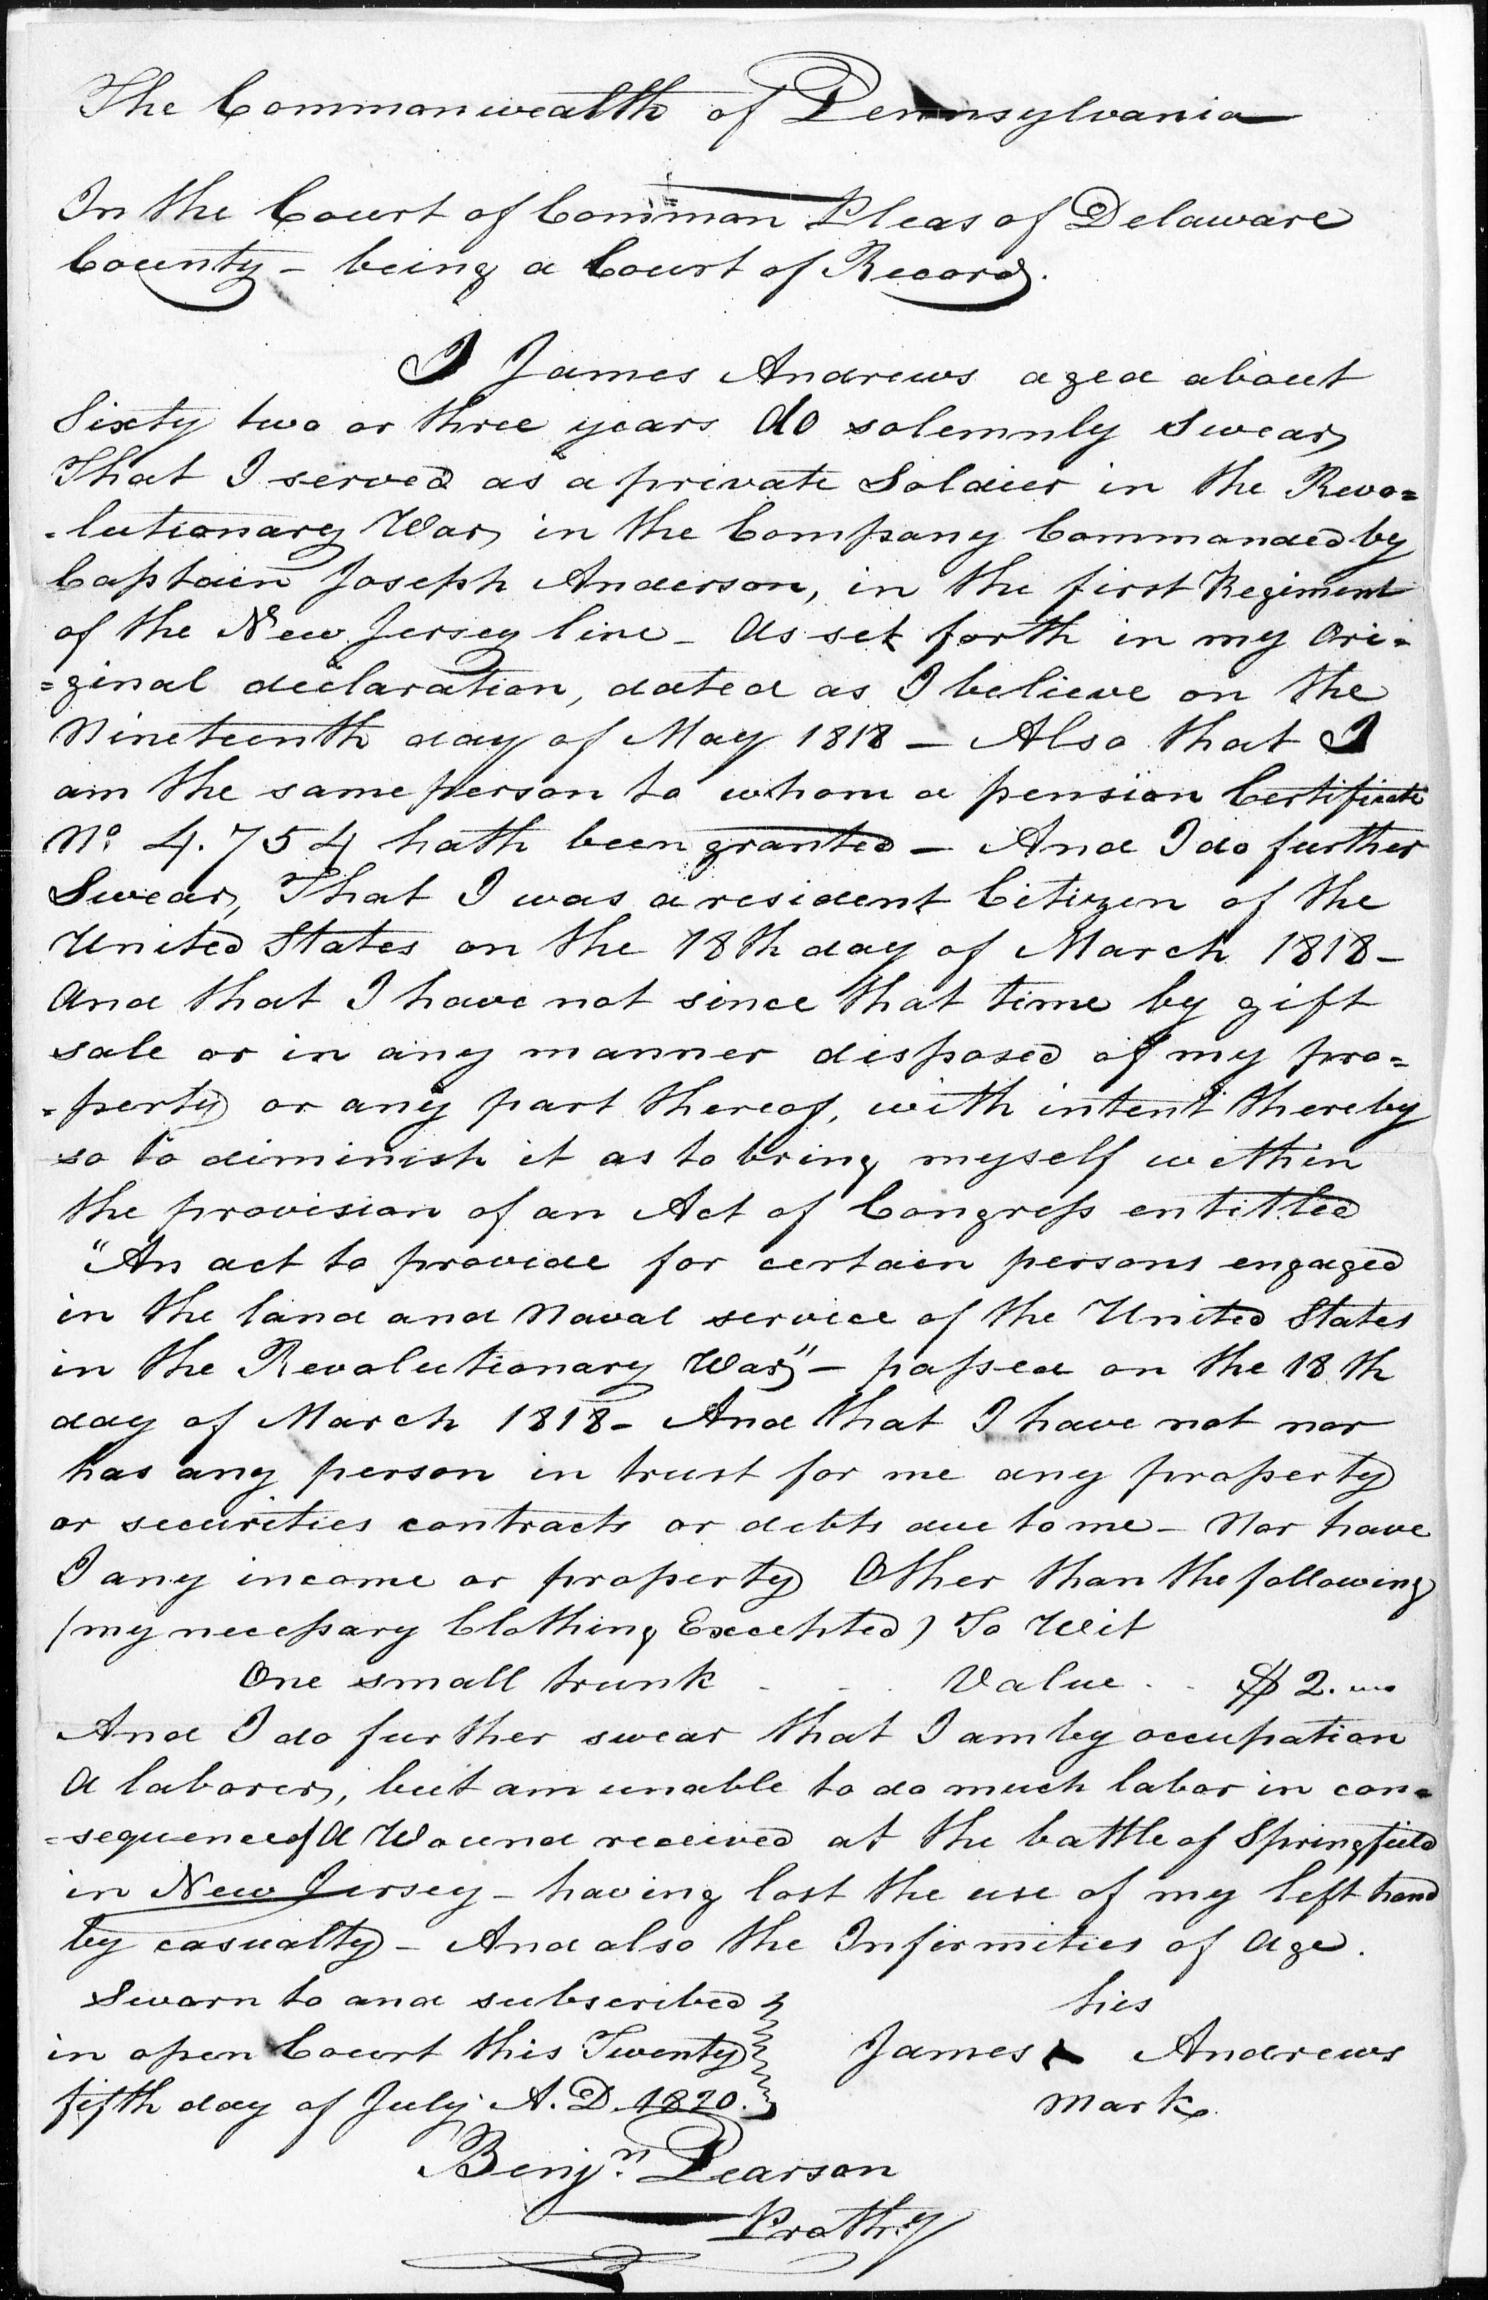In the Court of Common Pleas of Delaware County being a Court of Record

I James Anderson aged about sixty two or three years do solemnly swear that I served as a private soldier in the Revolutionary War in the Company commanded by Captain Joseph Anderson, in the first Regiment of the new jersey line- as set forth in my original declaration, dated as I believe on the nineteenth day of May 1818- Also that I am the same person to whom a pension certificate no. 4.754 had been granted. And I do further swear that I was a resident Citizen of the United States on the 18th day of march 1818 and that I have not since that time by a gift sale or in any manner deposed of my property, or any part there of with intent therby so to diminish it as to bring myself within the provision of an Act of Congress entitled "An Act to provided for certain persons engaged in the land and naval service of the United States in the Revolutionary war"- passed on the 18th day of March 1818- and I  have not nor has  any person in trust for me any property or securities contracted or debts owe to me- nor have I any income or property. other than the following my necessary clothing accepted, to ?
One small trunk Value  $2.00, and I also further swear that I am by occupation a laborer, but am unable to do much in case sequence of ? received at the Battle of Springfield in New Jersey-having lost the use of my left hand by casualty And also the Informities of age.


Sworn  to and subscribed in an open Court this twenty fifth day of July A.D. 1820
Benj. Pearson  Prothon.
signed James Anderson his mark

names: James Andrews, Joseph Anderson, James Andrews, Benjn Pearson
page: 7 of 9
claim: survivor's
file: S. 39934, James Andrews, New Jersey